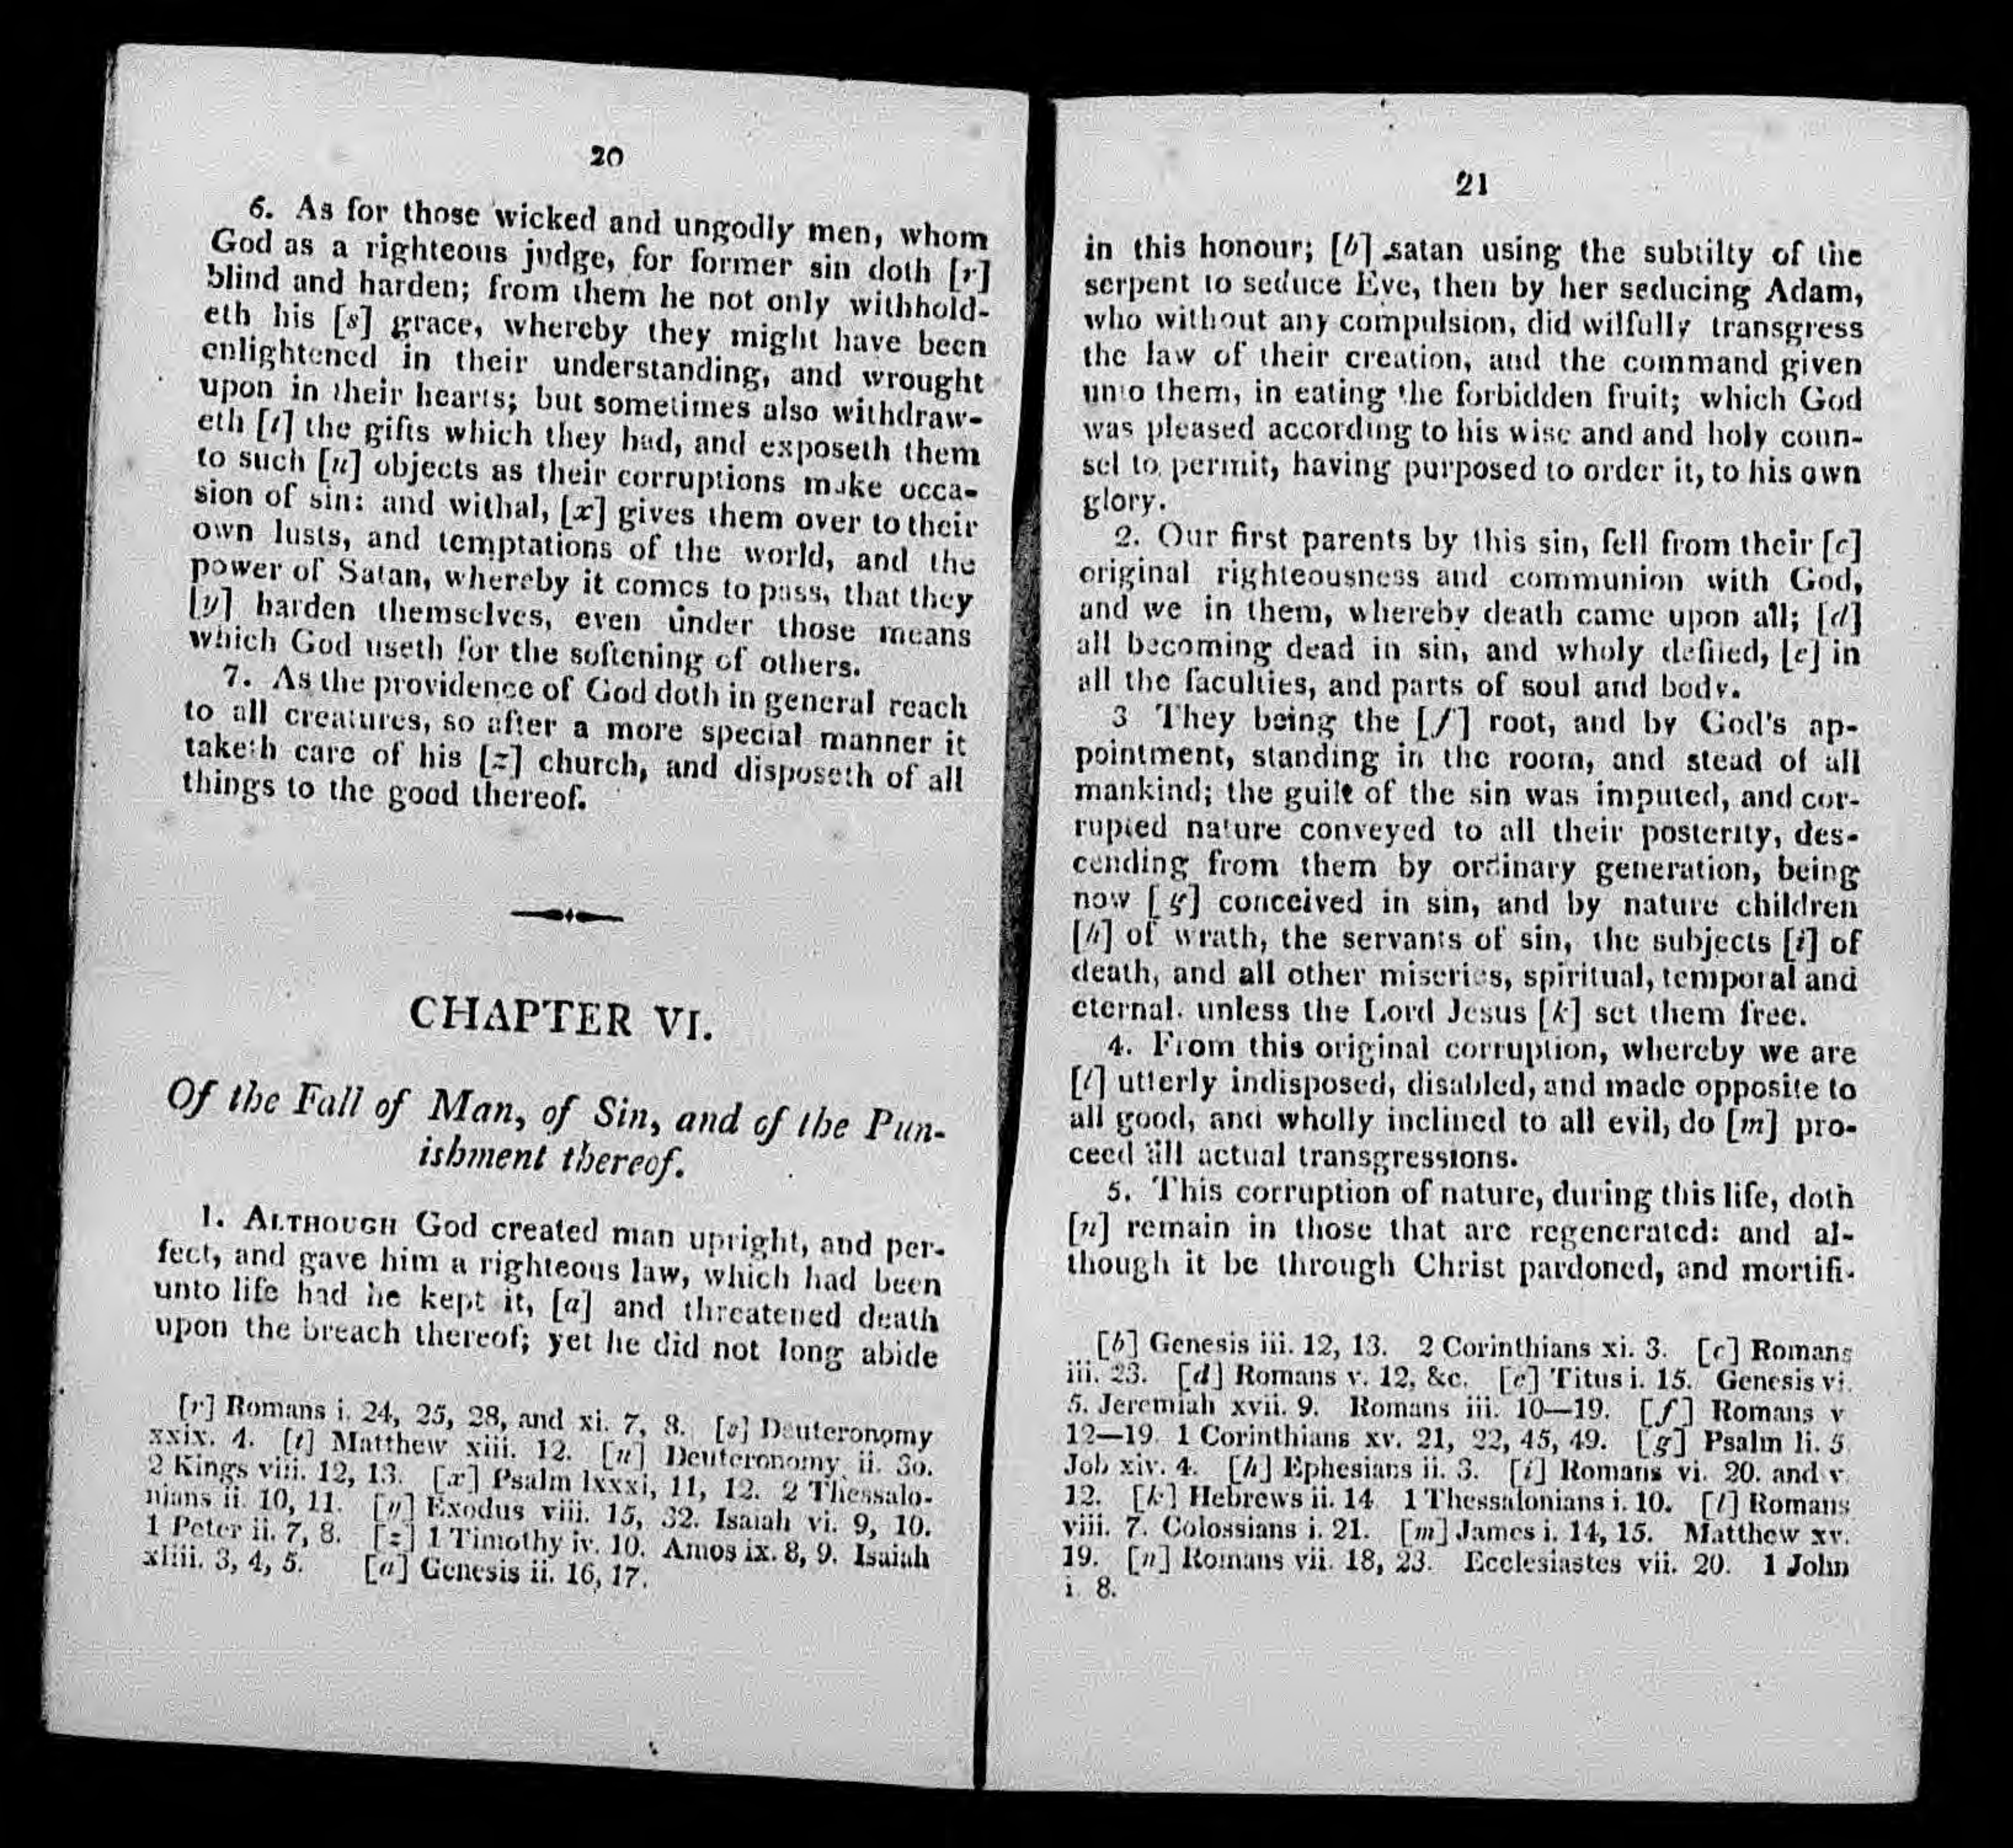[page] 20
6. As for those wicked and ungodly men, whom God as a righteous judge, for former sin doth [r] blind and harden; from them he not only witholdeth his [s] grace, whereby they might have been enlightened in their understanding, and wrought upon in their hearts; but sometimes also withdrawthe [t] the gifts which they had, and exposeth them to such [u] objects as their corruptions make occasion of sin: and withal, [x] gives them over to their own lusts, and temptations of the world, and the power of Satan, whereby it comes to pass, that they [y] harden themselves, even under those means which God useth for the softening of others.
7. As the providence of God doth in general reach to all creatures, so after a more special manner it taketh care of his [z] church, and disposeth of all things to the good thereof.

CHAPTER VI.

Of the Fall of Man, of Sin and of the Punishment thereof.

1. ALTHOUGH God created man upright, and perfect, and gave him a righteous law, which had been unto life had he kept it, [a] and threatened death upon the breach thereof; yet he did not long abide

[r] Romans i, 24, 25, 28, and xi. 7, 8. [s] Deuteronomy xxix. 4. [t] Mattew xiii. 12. [u] Deuteronomy ii. 3o. 2 Kings viii. 12, 13. [x] Psalm lxxxi, 11, 12. 2 Thessalonians ii. 10, 11. [y] Exodus viii.15, 32. Isaiah vi. 9, 10. 1 Pet3er ii. 7, 8. [z 1 Timothy iv. 10 Amos ix. 8, 9. Isaiah xliii. 3, 4, 5. [a] Genesis ii. 16, 17.

[right fold top of page]
21[page]

in this honour; [b] satan using the subtilty of the serpent to seduce Eve, then by her seducing Adam, who without any compulsion, did wilfully transgress the law of their creation, and the command given unto them, in eating the forbidden fruit; which God was pleased according to his wise and and holy counsel to permit, having purposed to order it, to his own glory.
2. Our first parents by this sin, fell from their [c] original righteousness and communion with God, and we in them, whereby death came upon all; [d] all becoming dead in sin, and wholy defiled, [e] in all the faculties, and parts of soul and boy.
3 They being the [f] root, and by God's appointment, standing in the room, and stead of all mankind; the guilt of the sin was imputed, and corrupted nature conveyed to all their posterity, descending from them by ordinary generation, being now [g] conceived in sin, and by nature children [h] of wrath, the servants of sin, the subjects [i] of death, and all other miseries, spiritual, temporal and death, and all other miseries, spiritual, temporal and eternal unless the Lord Jesus [k] set them free.
4.  From this original corruption, whereby we are [l] utterly indisposed, disabled, and made opposite to all good, and wholly inclined to all evil, do [m] proceed till actual transgressions.
5. This corruption of nature, during this lie, doth [n] remain in those that are regenerated; and although it be through Christ pardoned, and mortifi[ied]

[b] Genesis iii. 12, 13.  2 Corinthians xi. 3.  [c] Romans iii, 23. [d] Romans v. 12, &c.  [e] Titus i. 15.  Genesis vi. 5. Jeremiah xvii. 9. Romans iii. 10-19. [f] Romans v12-19. 1 Corinthians xv. 21, 22, 45, 49. [g] Psalm li. 5
Job xiv. 4. [h] Ephesians ii. 3.  [i] Romans vi. 20 and v 12. [k] Hebrews ii 14 1Thessalonians i. 10. [l] Romans viii. 7. Colossians i. 21. [m] James i. 14, 15. Matthew xv. 19. [n] Romans vii. 18, 23.  Ecclesiastes vii. 20. 1 John i. 8.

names: James, Job, Timothy, Kings, John, Jeremiah, Titus, Amos, Peter, Adam, Isaiah, Matthew, Matthew, Isaiah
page: 22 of 98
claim: widow's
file: W. 8398, William Broadway, S.C.